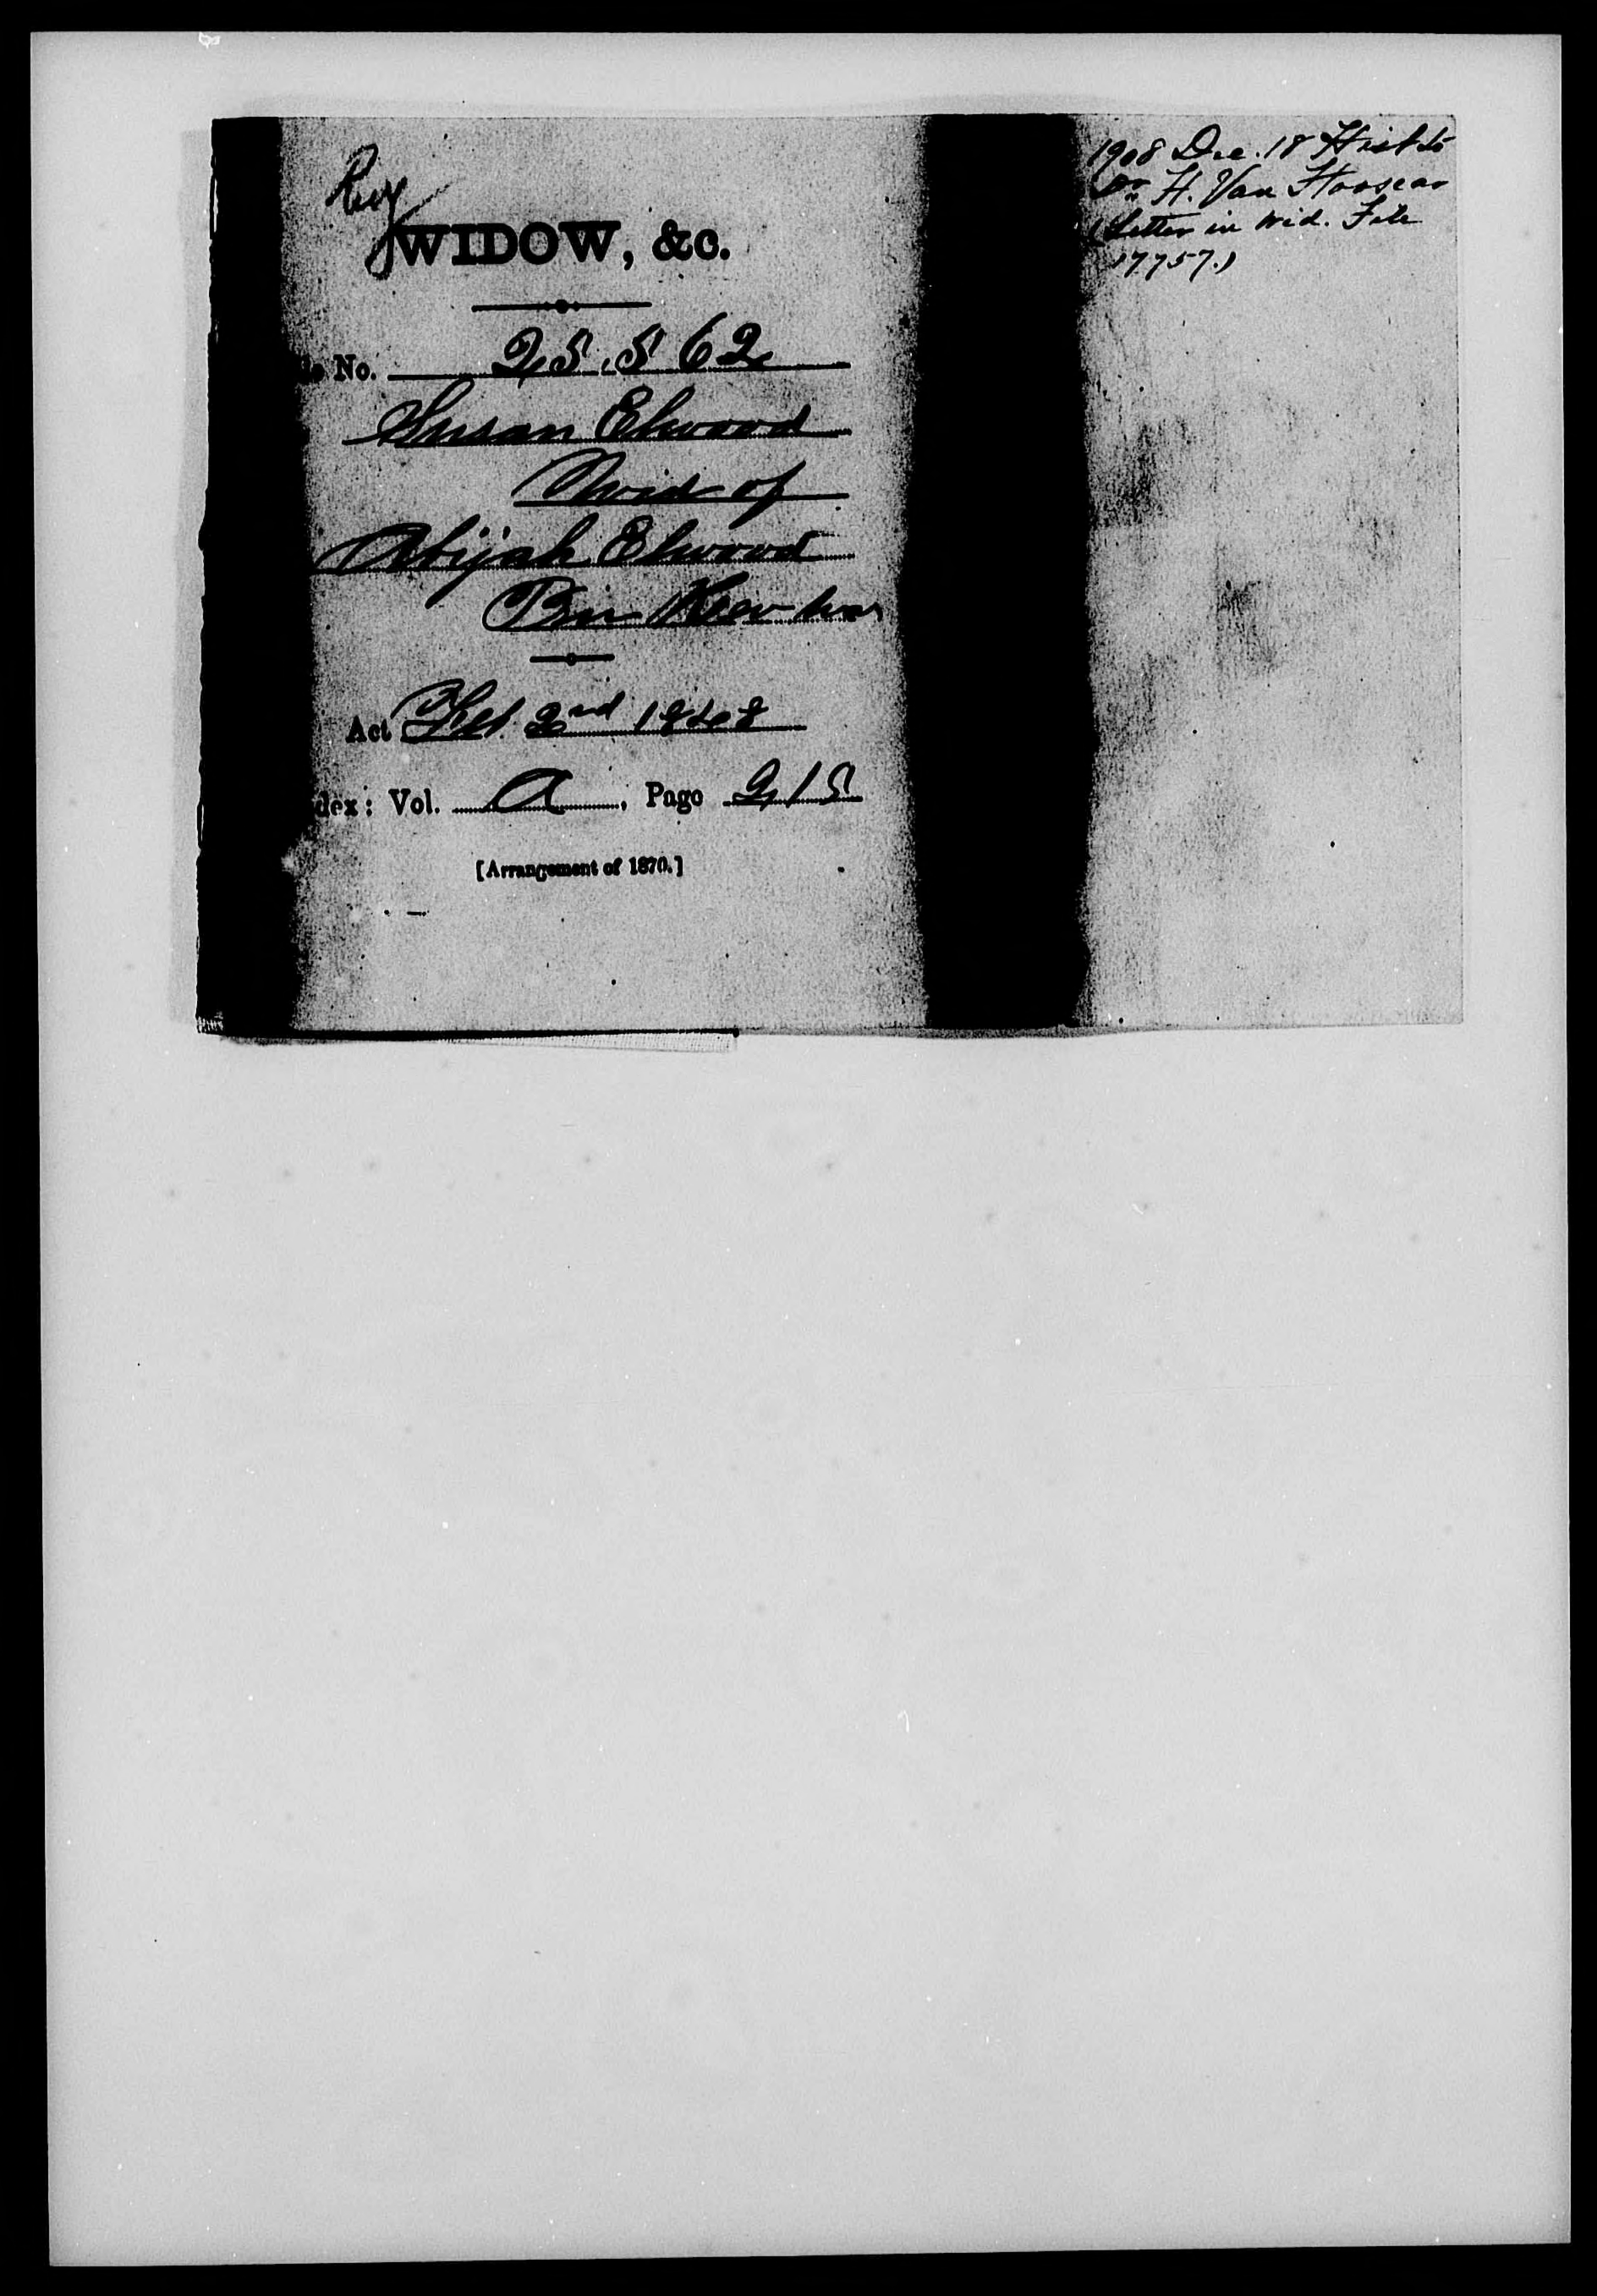WIDOW, &c

File no 25562
Susan Elwood widow of Abijah Elwood
Priv Rev War

Act Feb 2nd 1848

Index: Vol a, Page 215

[Arrangement of 1810]

1908 Dec 18 History for H. Van Hooser letter in wid. fate
17757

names: Susan Elwood, H Van Hoosear, Abijah Elwood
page: 11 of 69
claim: widow's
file: W. 25562, Abijah Elwood, Conn.